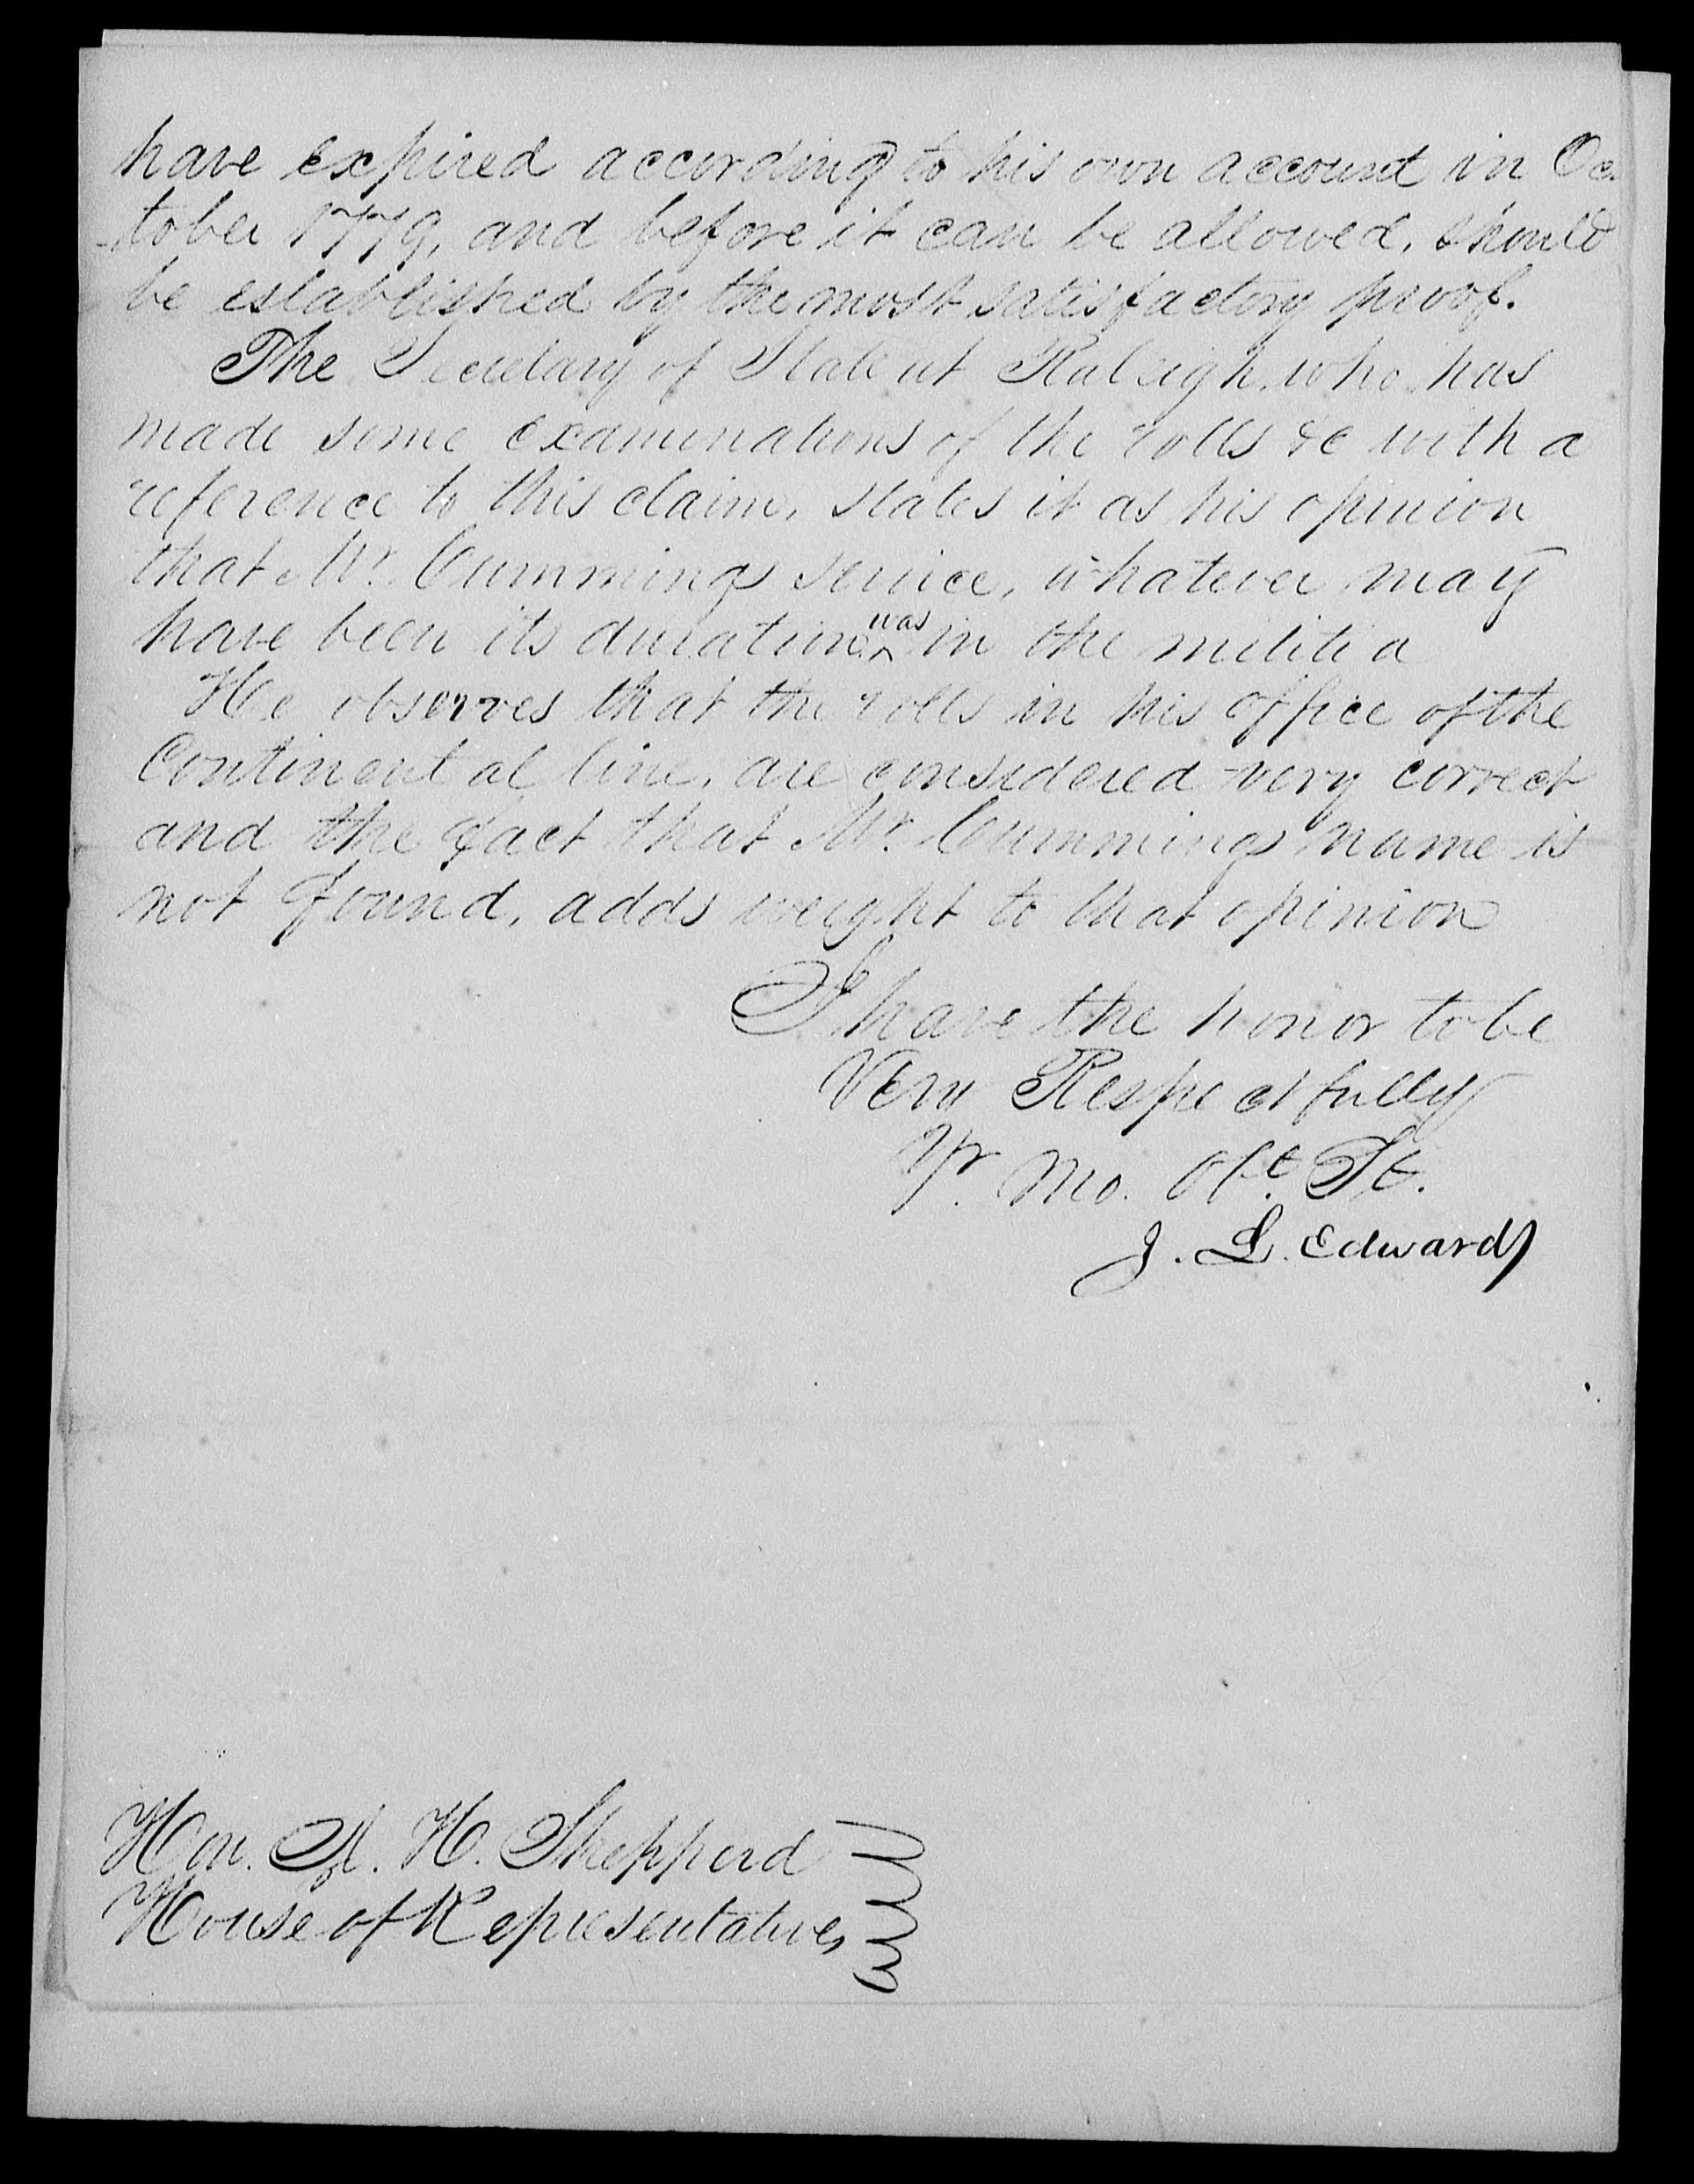[Continuaton of handwritten letter]

have expired according to his own account in Oc.tober 1779, and before it can be allowed, should be established by the most satisfactory proof.

The Secretary of State at Raleigh, who has made some examinations of the rolls &c with a reference to this claim, states it as his opinion that Mr. Cummings service, whatever may have been its duration, ^was in the militia

He observes that the rolls in his office of the Continental line, are considered very correct and the fact that Mr. Cummings name is not found, adds weight to that opinion

I have the honor to be
Very Respectfully
Yr. Mo. Obt. St. [Your Most Obedient Servant.]
J. L. Edwards

Hon. A. H. Shepperd)
House of Representatives)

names: A H Shepperd, Cummings, J L Edwards, Cummings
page: 39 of 145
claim: survivor's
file: S. 8265, William Cumming, N.C.